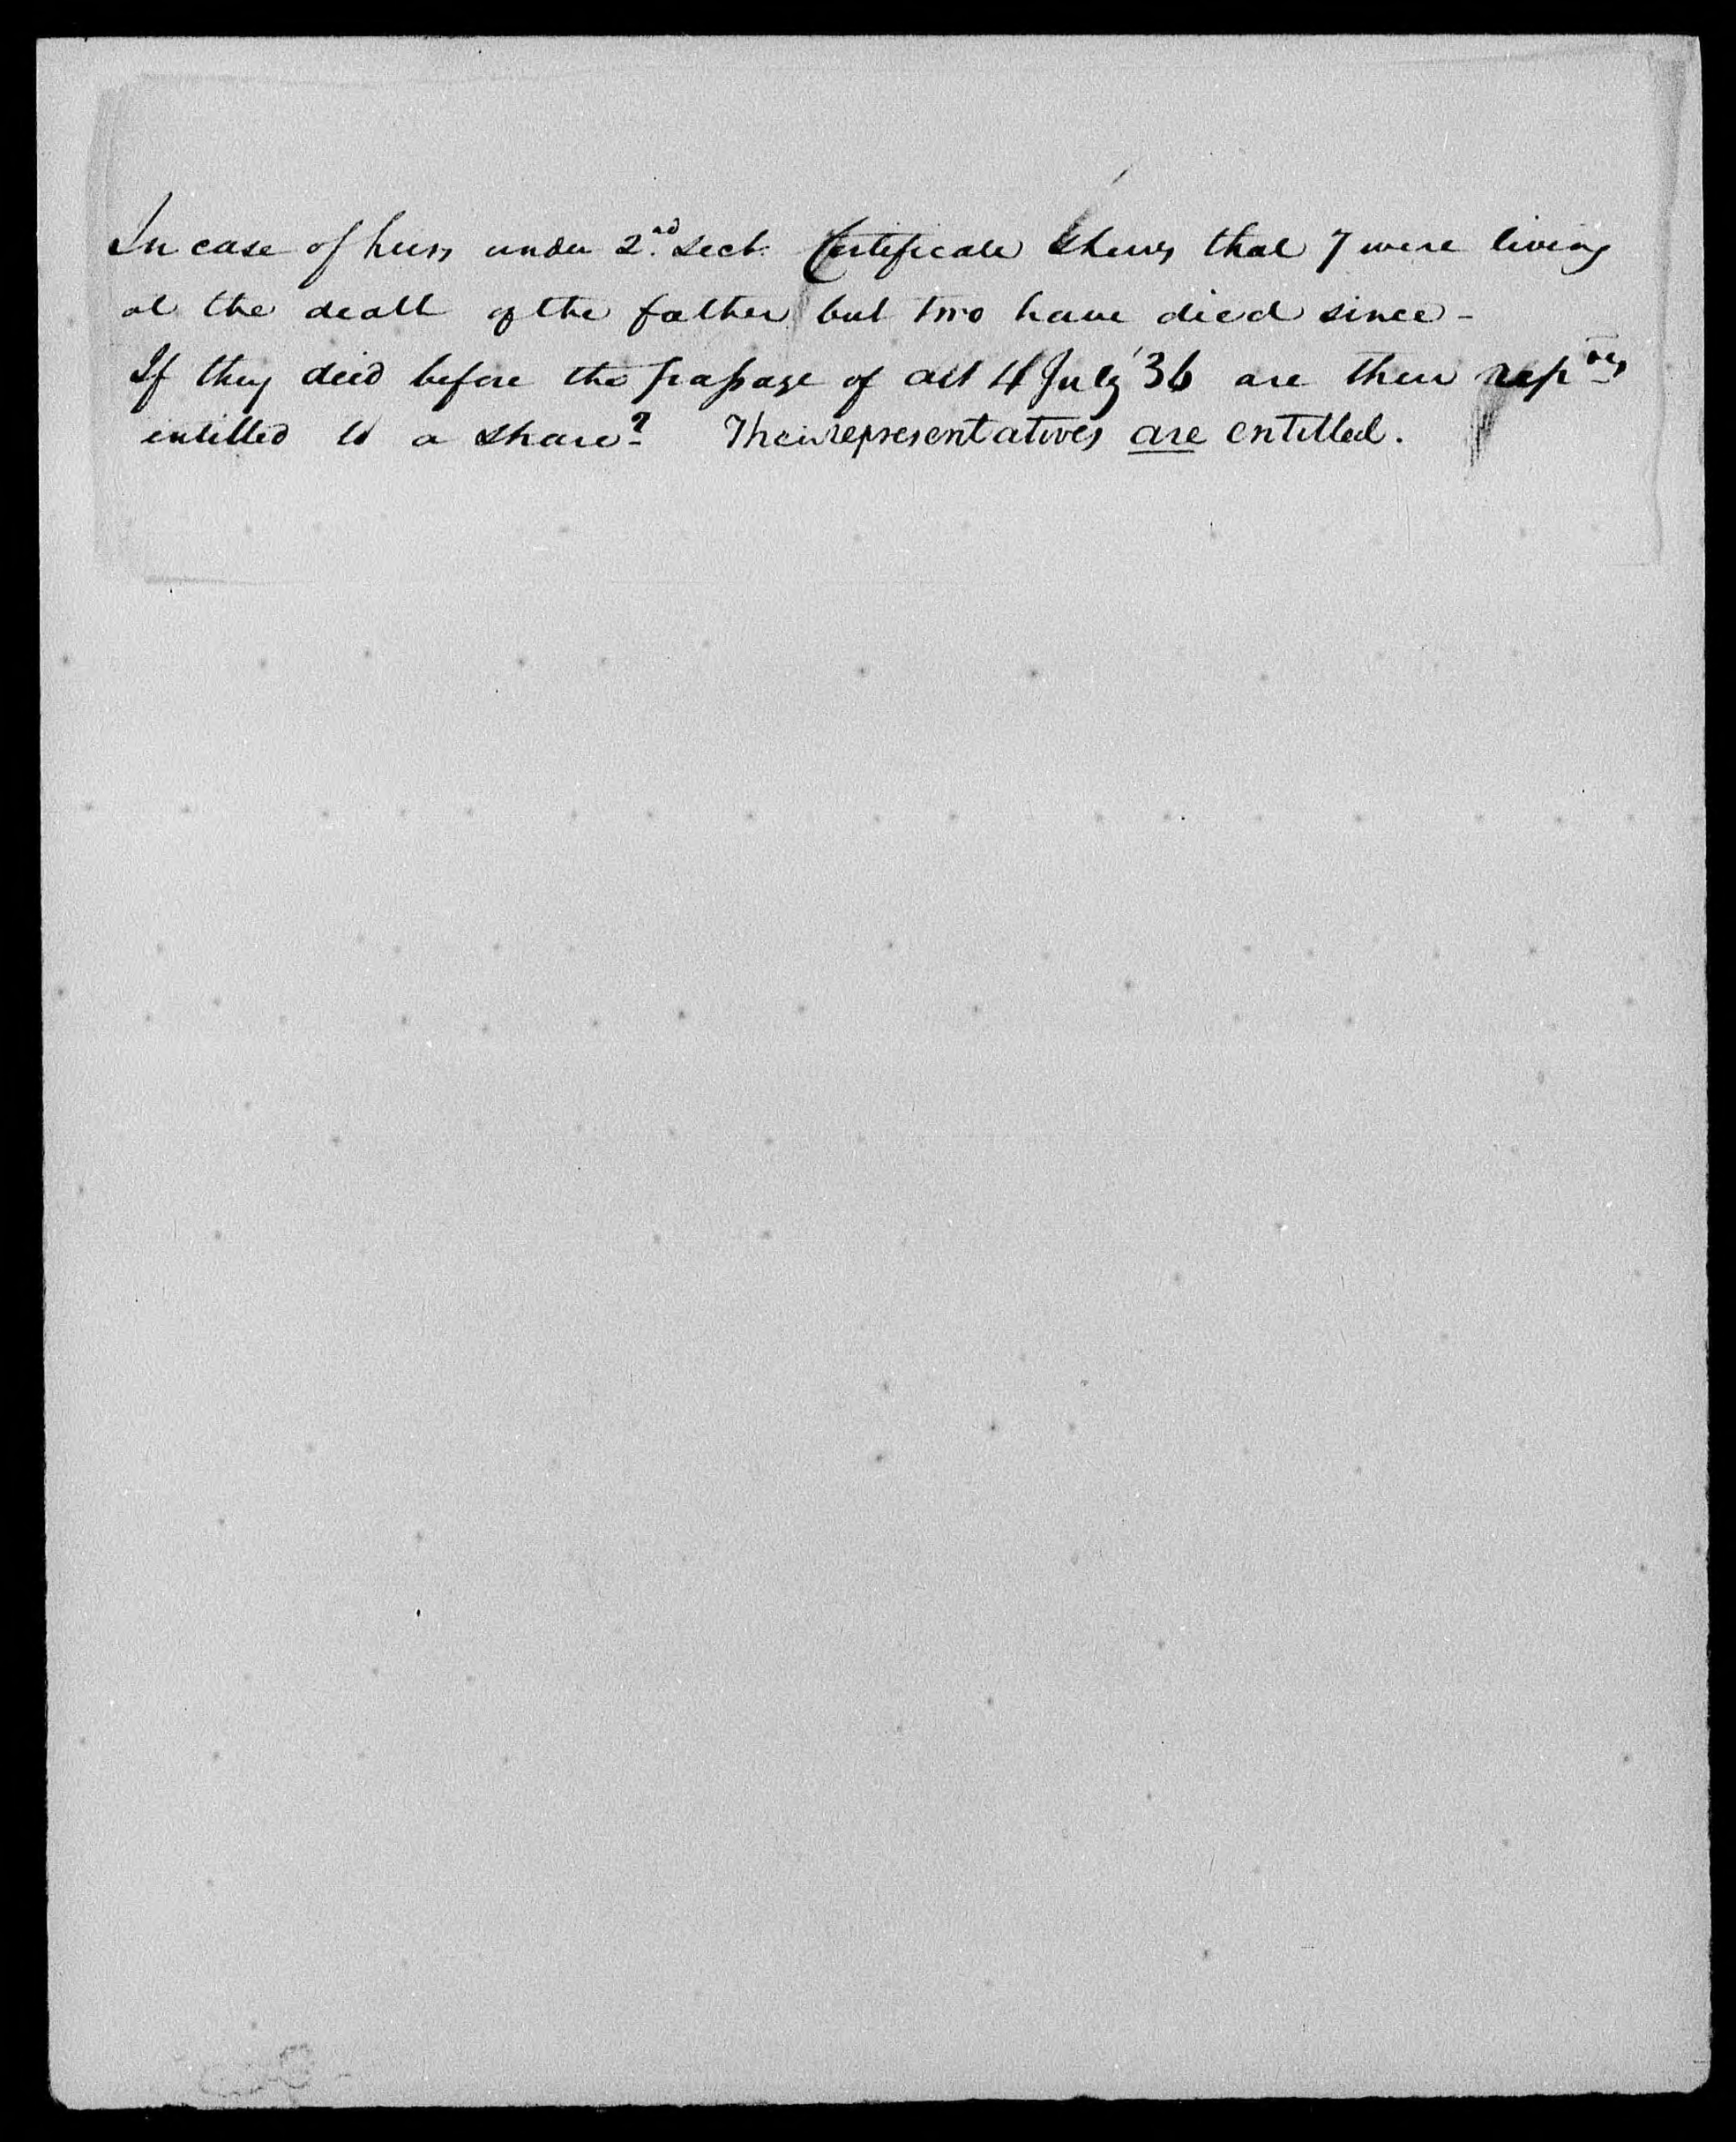In case of heirs under 2nd sect certificate there that 7 were living at the death of the father but two have died since - If they died before the passage of act 4 July [18]'36 are their repr [REPRSENTATIVES] entitled to a share?
The representatives are entitled.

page: 24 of 35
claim: survivor's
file: S. 10912, for Daniel Jewell, New Hampshire